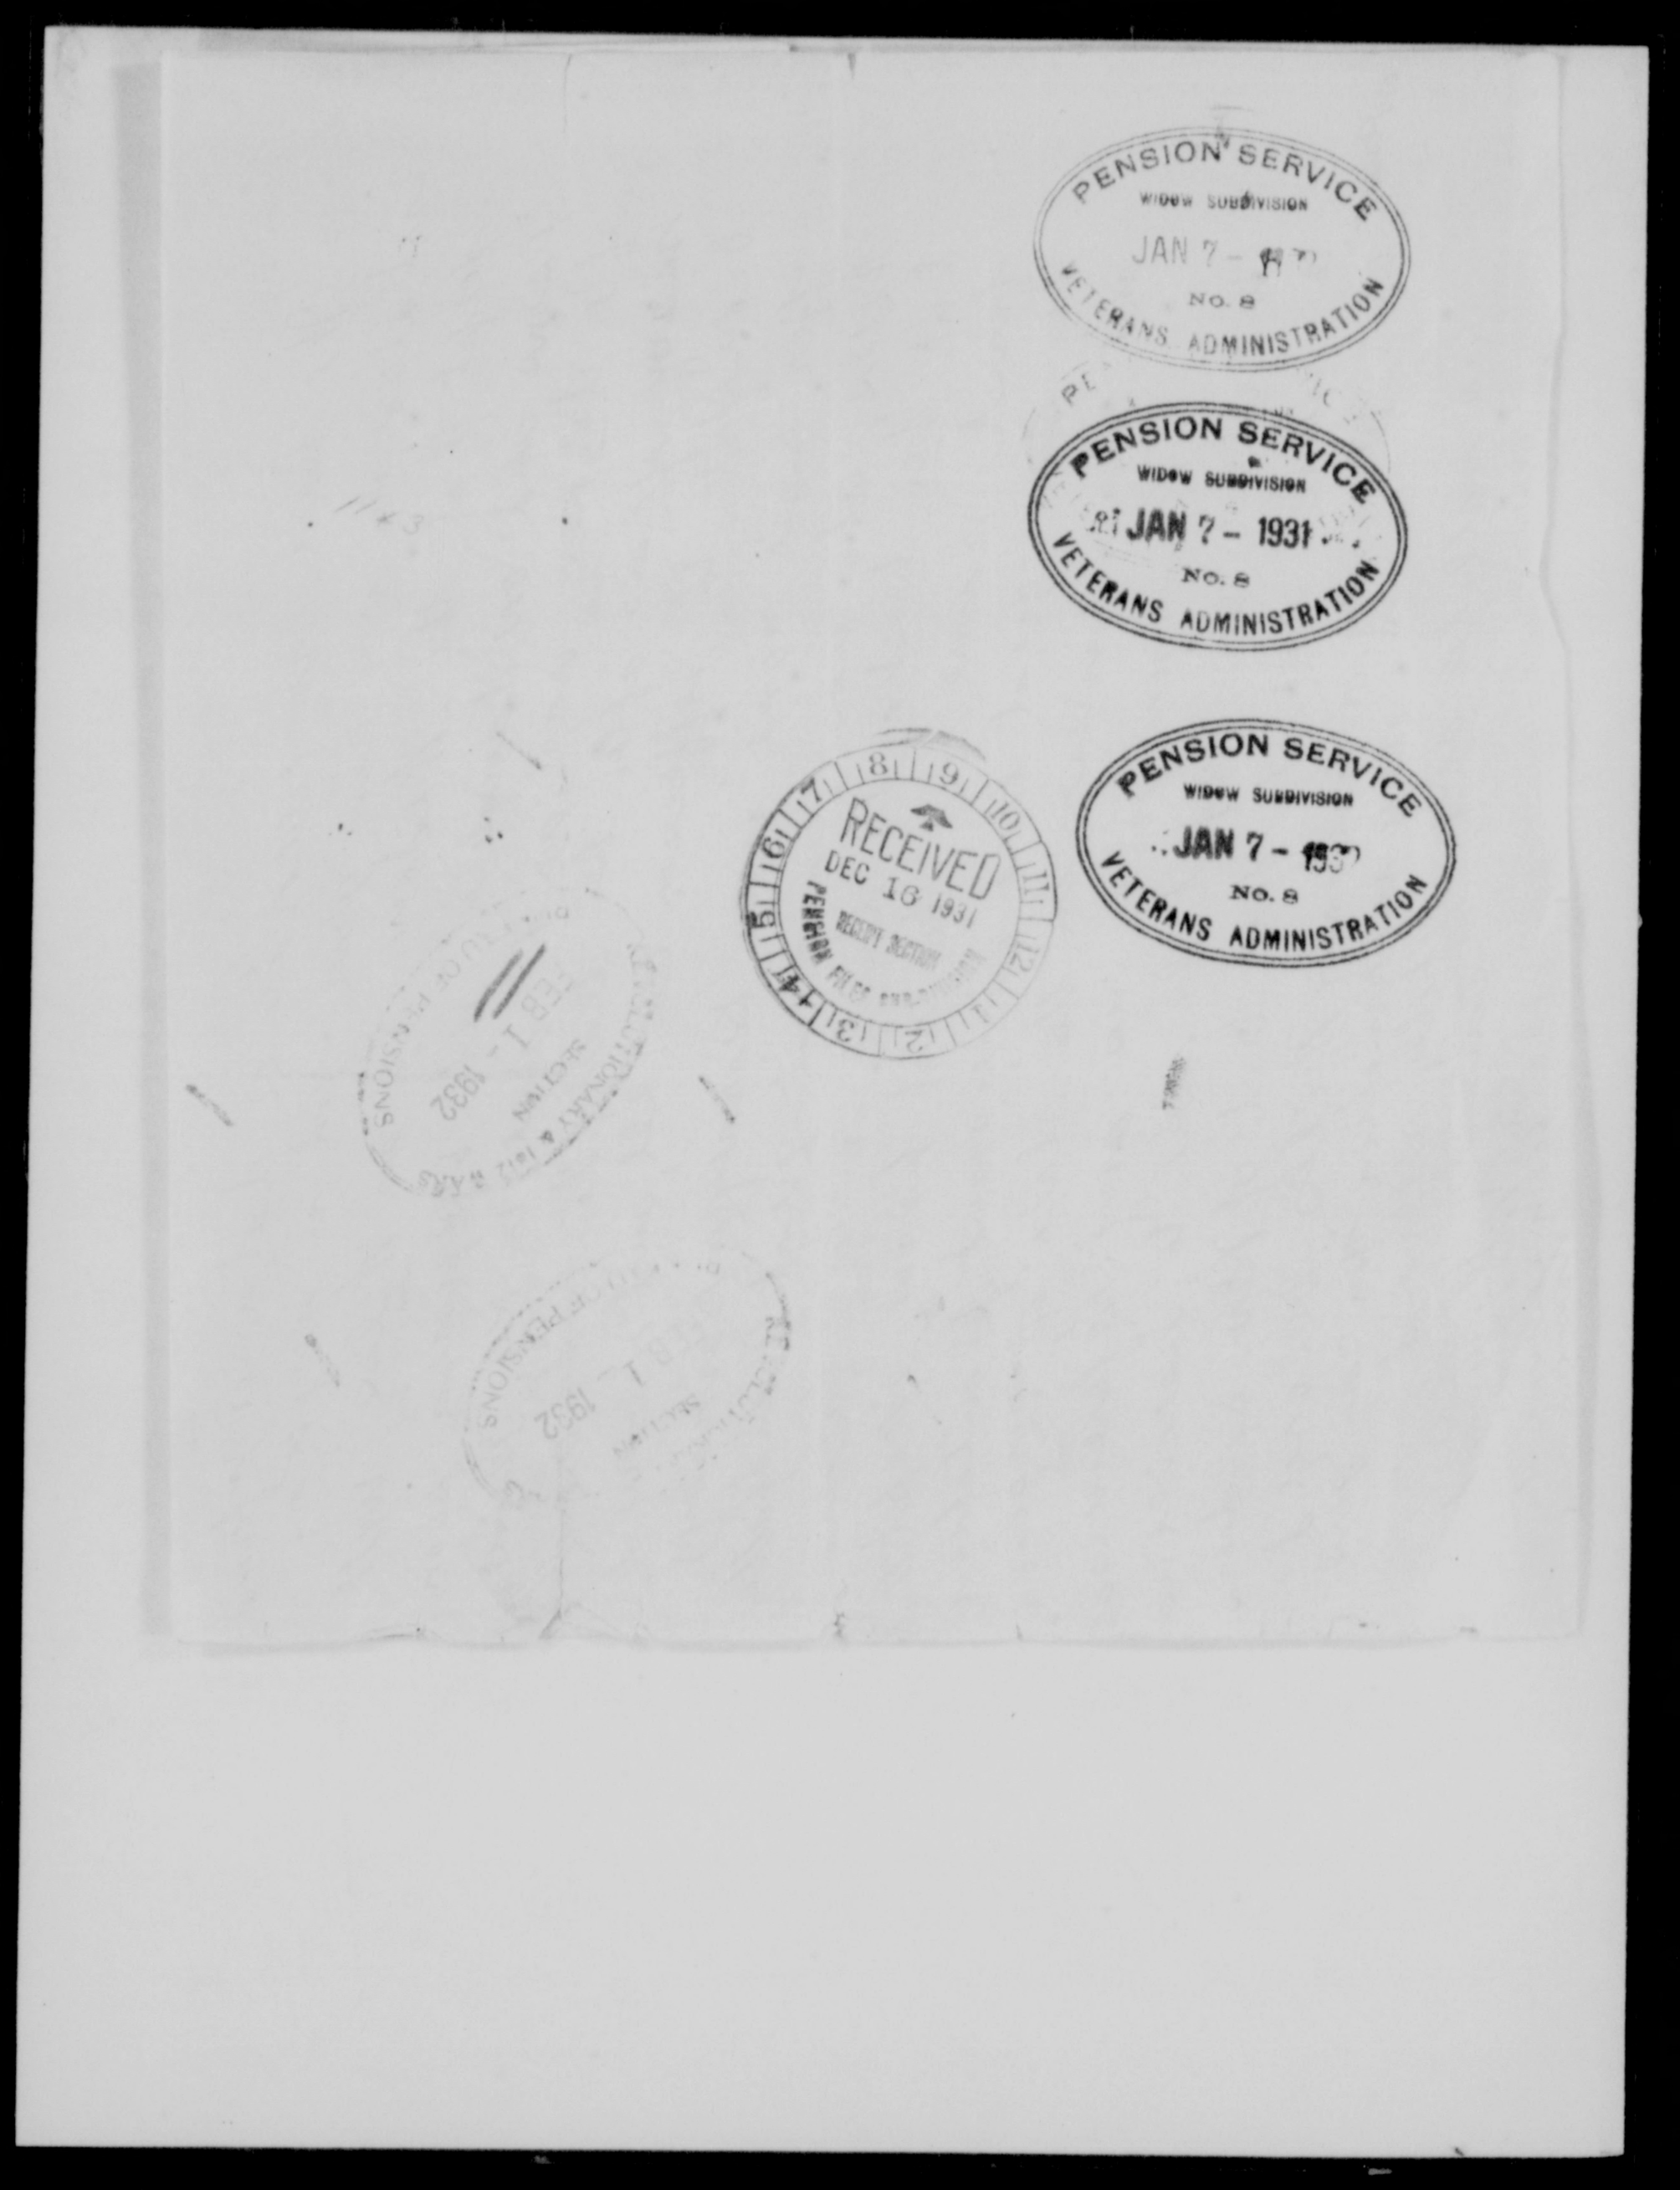[oval stamp]
PENSION SERVICE
VETERANS ADMINISTRATION
WIDOW SUBDIVISION
JAN 7 1930
NO. 8

[oval stamp]
PENSION SERVICE
VETERANS ADMINISTRATION
WIDOW SUBDIVISION
JAN 7 1931
NO. 8

[oval stamp]
PENSION SERVICE
VETERANS ADMINISTRATION
WIDOW SUBDIVISION
JAN 7 1932
NO. 8

[circle stamp]
RECEIVED 
DEC 10 1931
RECEIPT SECTION
PENSION FILES  [illegible]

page: 88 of 100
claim: widow's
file: W. 6437, Richard Wells, Ga Va.